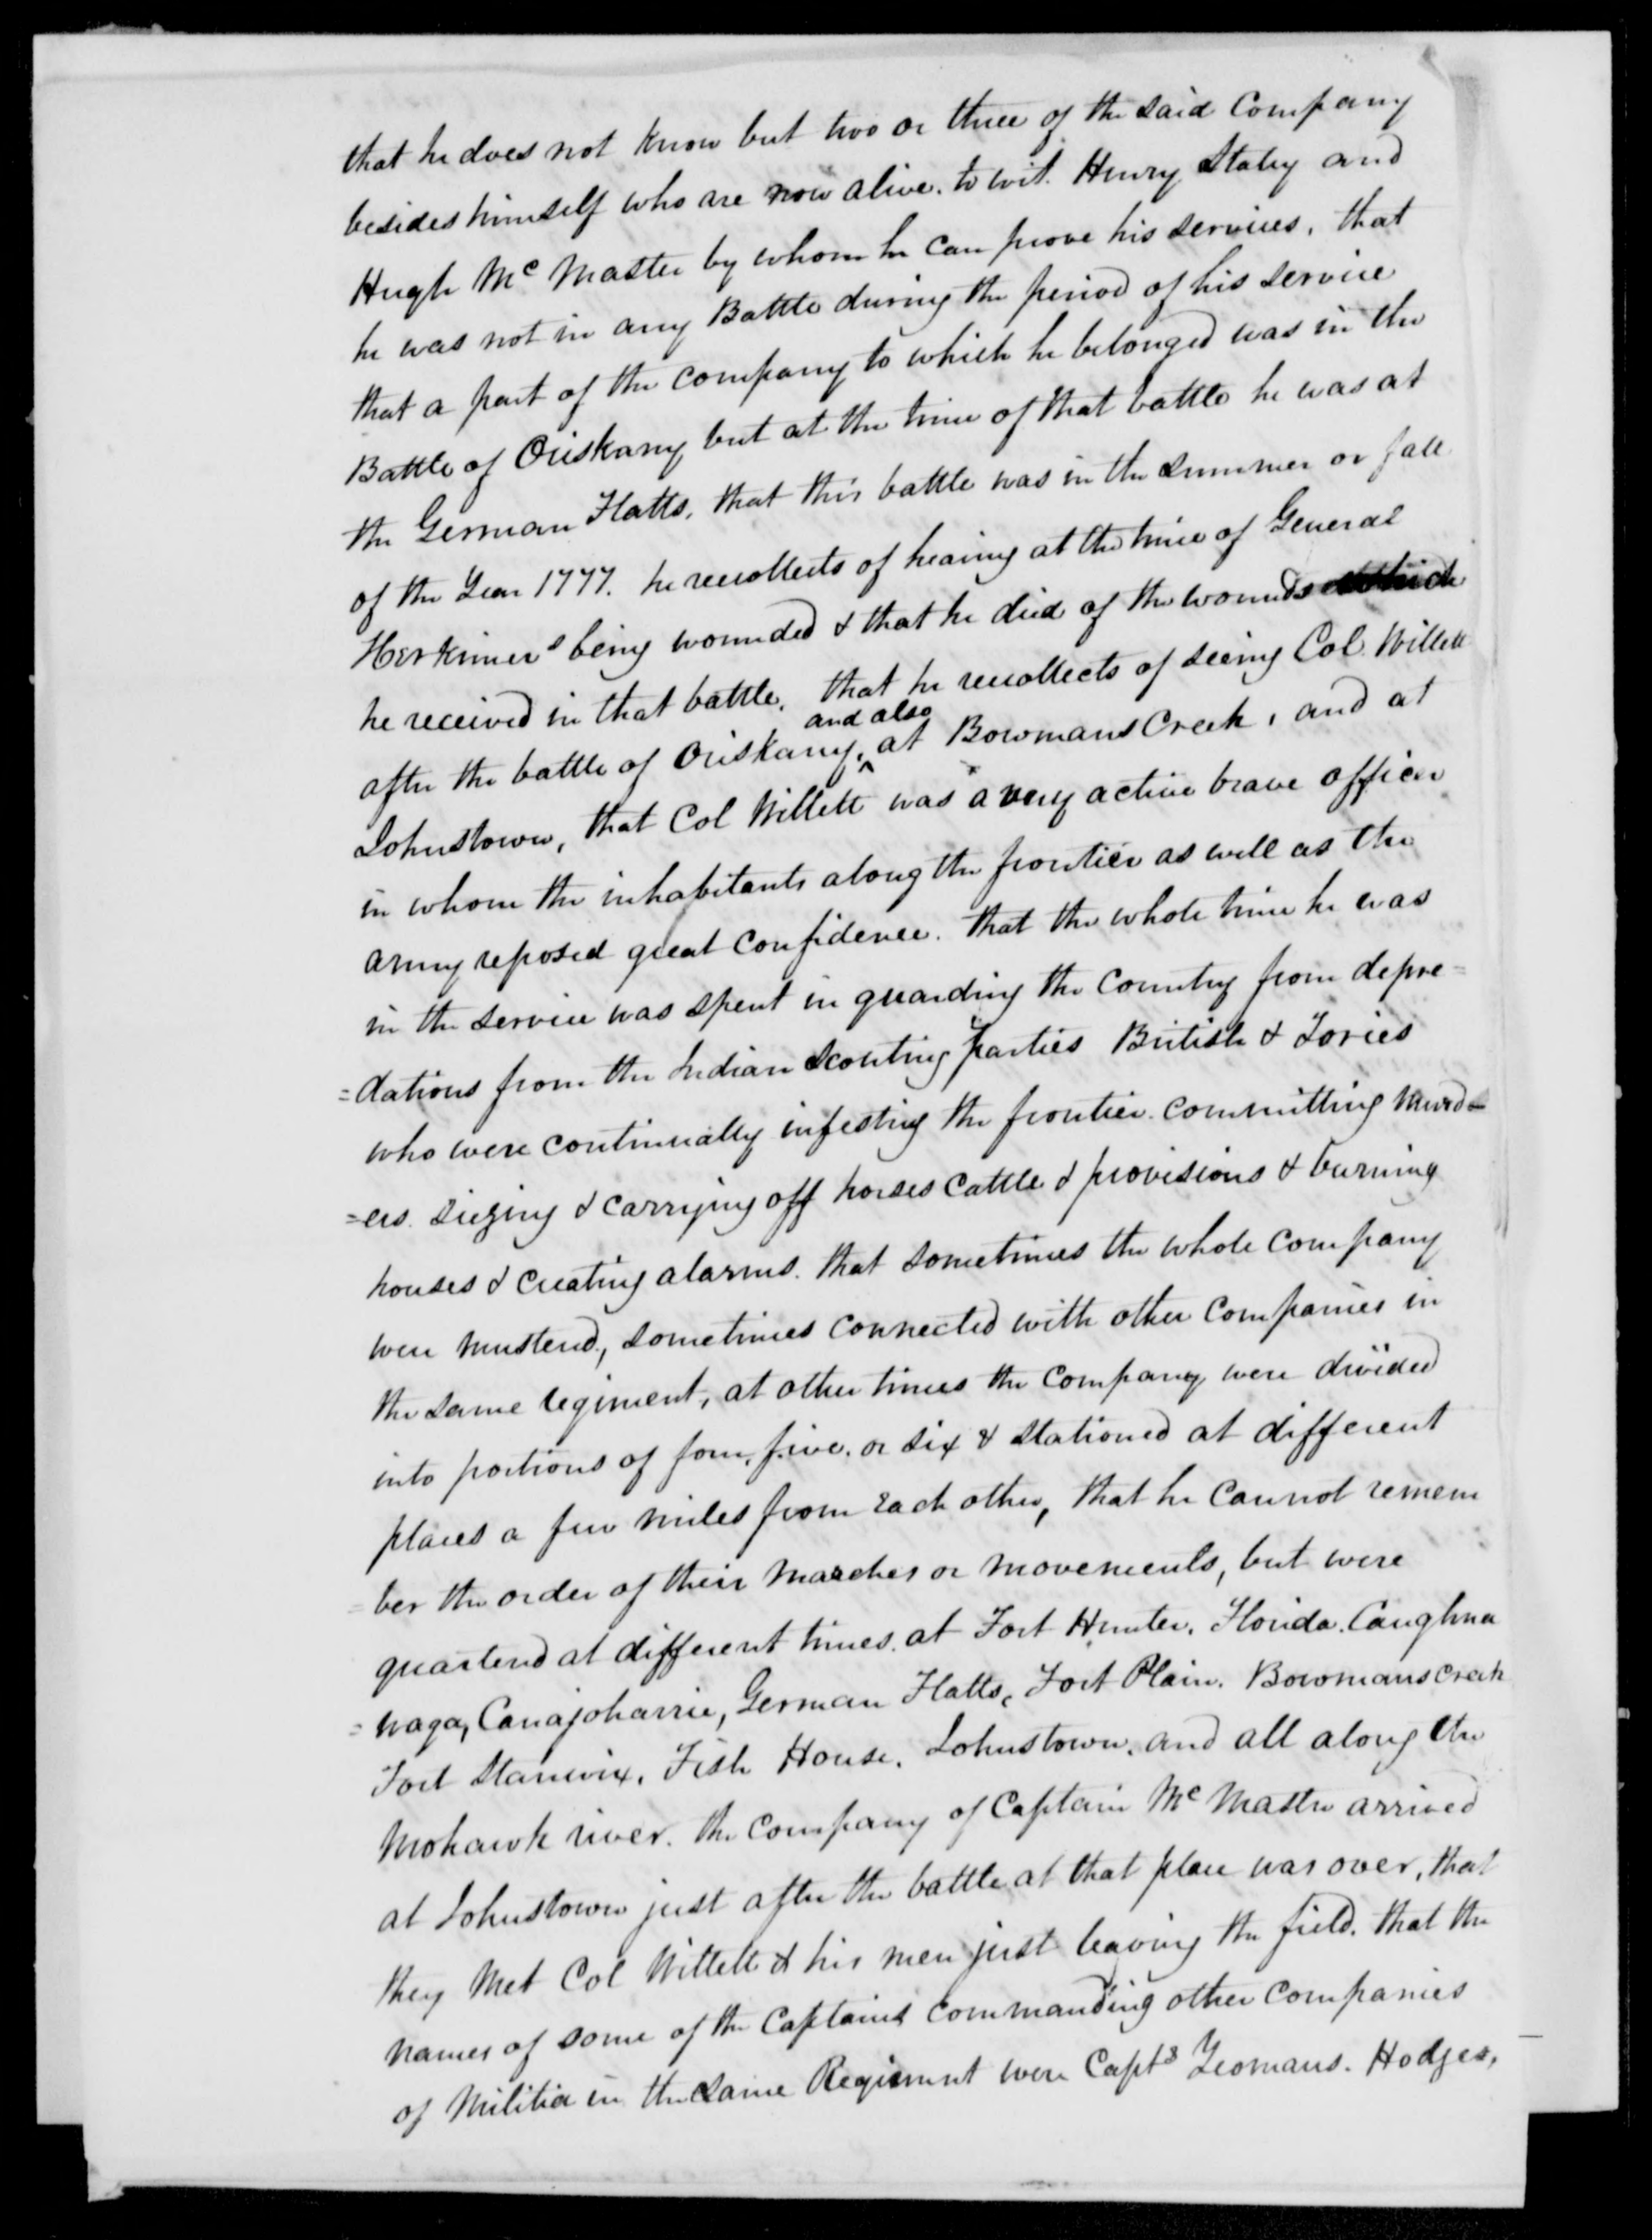that he does not know but two or three of the said Company besides himself who are now alive, to wit. Henry Staley and Hugh McMaster by whom he can prove his services, that he was not in any battle during the period of his service that a part of the company to which he belonged was in the Battle of Oriskany but at the time of that battle he was at the German Flatts, that this battle was in the summer or fall of the year 1777, he recollects of hearing at the time of General Herkimers being wounded & that he died of the wounds which he received in that battle. that he recollects of seeing Col Willett after the battle of Oriskany and also at Bowmans Creek, and at Johnstown, that Col Willett was a very active brave officer in whom the inhabitants along the frontier as well as the army reposed great confidence. that the whole time he was in the service was spent in guarding the country from depredations from the Indian scouting parties British & Tories who were continually infesting the frontier committing minders siezing & carrying off horses cattle of provisions & burning houses & creating alarms, that sometimes the whole company were mustered, sometimes connected with other companies in the same regiment, at other times the company were divided into portions of four five or six & stationed at different places a few miles from each other, that he cannot remember the order of their marches or movements, but were quartered at different times at Fort Hunter, Florida, Caughnawaga, Canajoharrie, German Flatts, Fort Plain, Bowmans Creek Fort Stanwix, Fish House. Johnstown, and all along the Mohawk river. the company of Captain McMaster arrived at Johnstown just after the battle at that place was over, that they met Col Willett & his men just leaving the field, that the names of some of the Captains commanding other companies of Militia in the same Regiment were Capts Yeomans. Hodges,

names: Hugh Mc Master, Yeomans, Willett, Willett, Hodges, Mc Master, Herkimer, Willett, Henry Staley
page: 9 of 57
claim: survivor's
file: S. 28,925, Albert Van Housen, New York